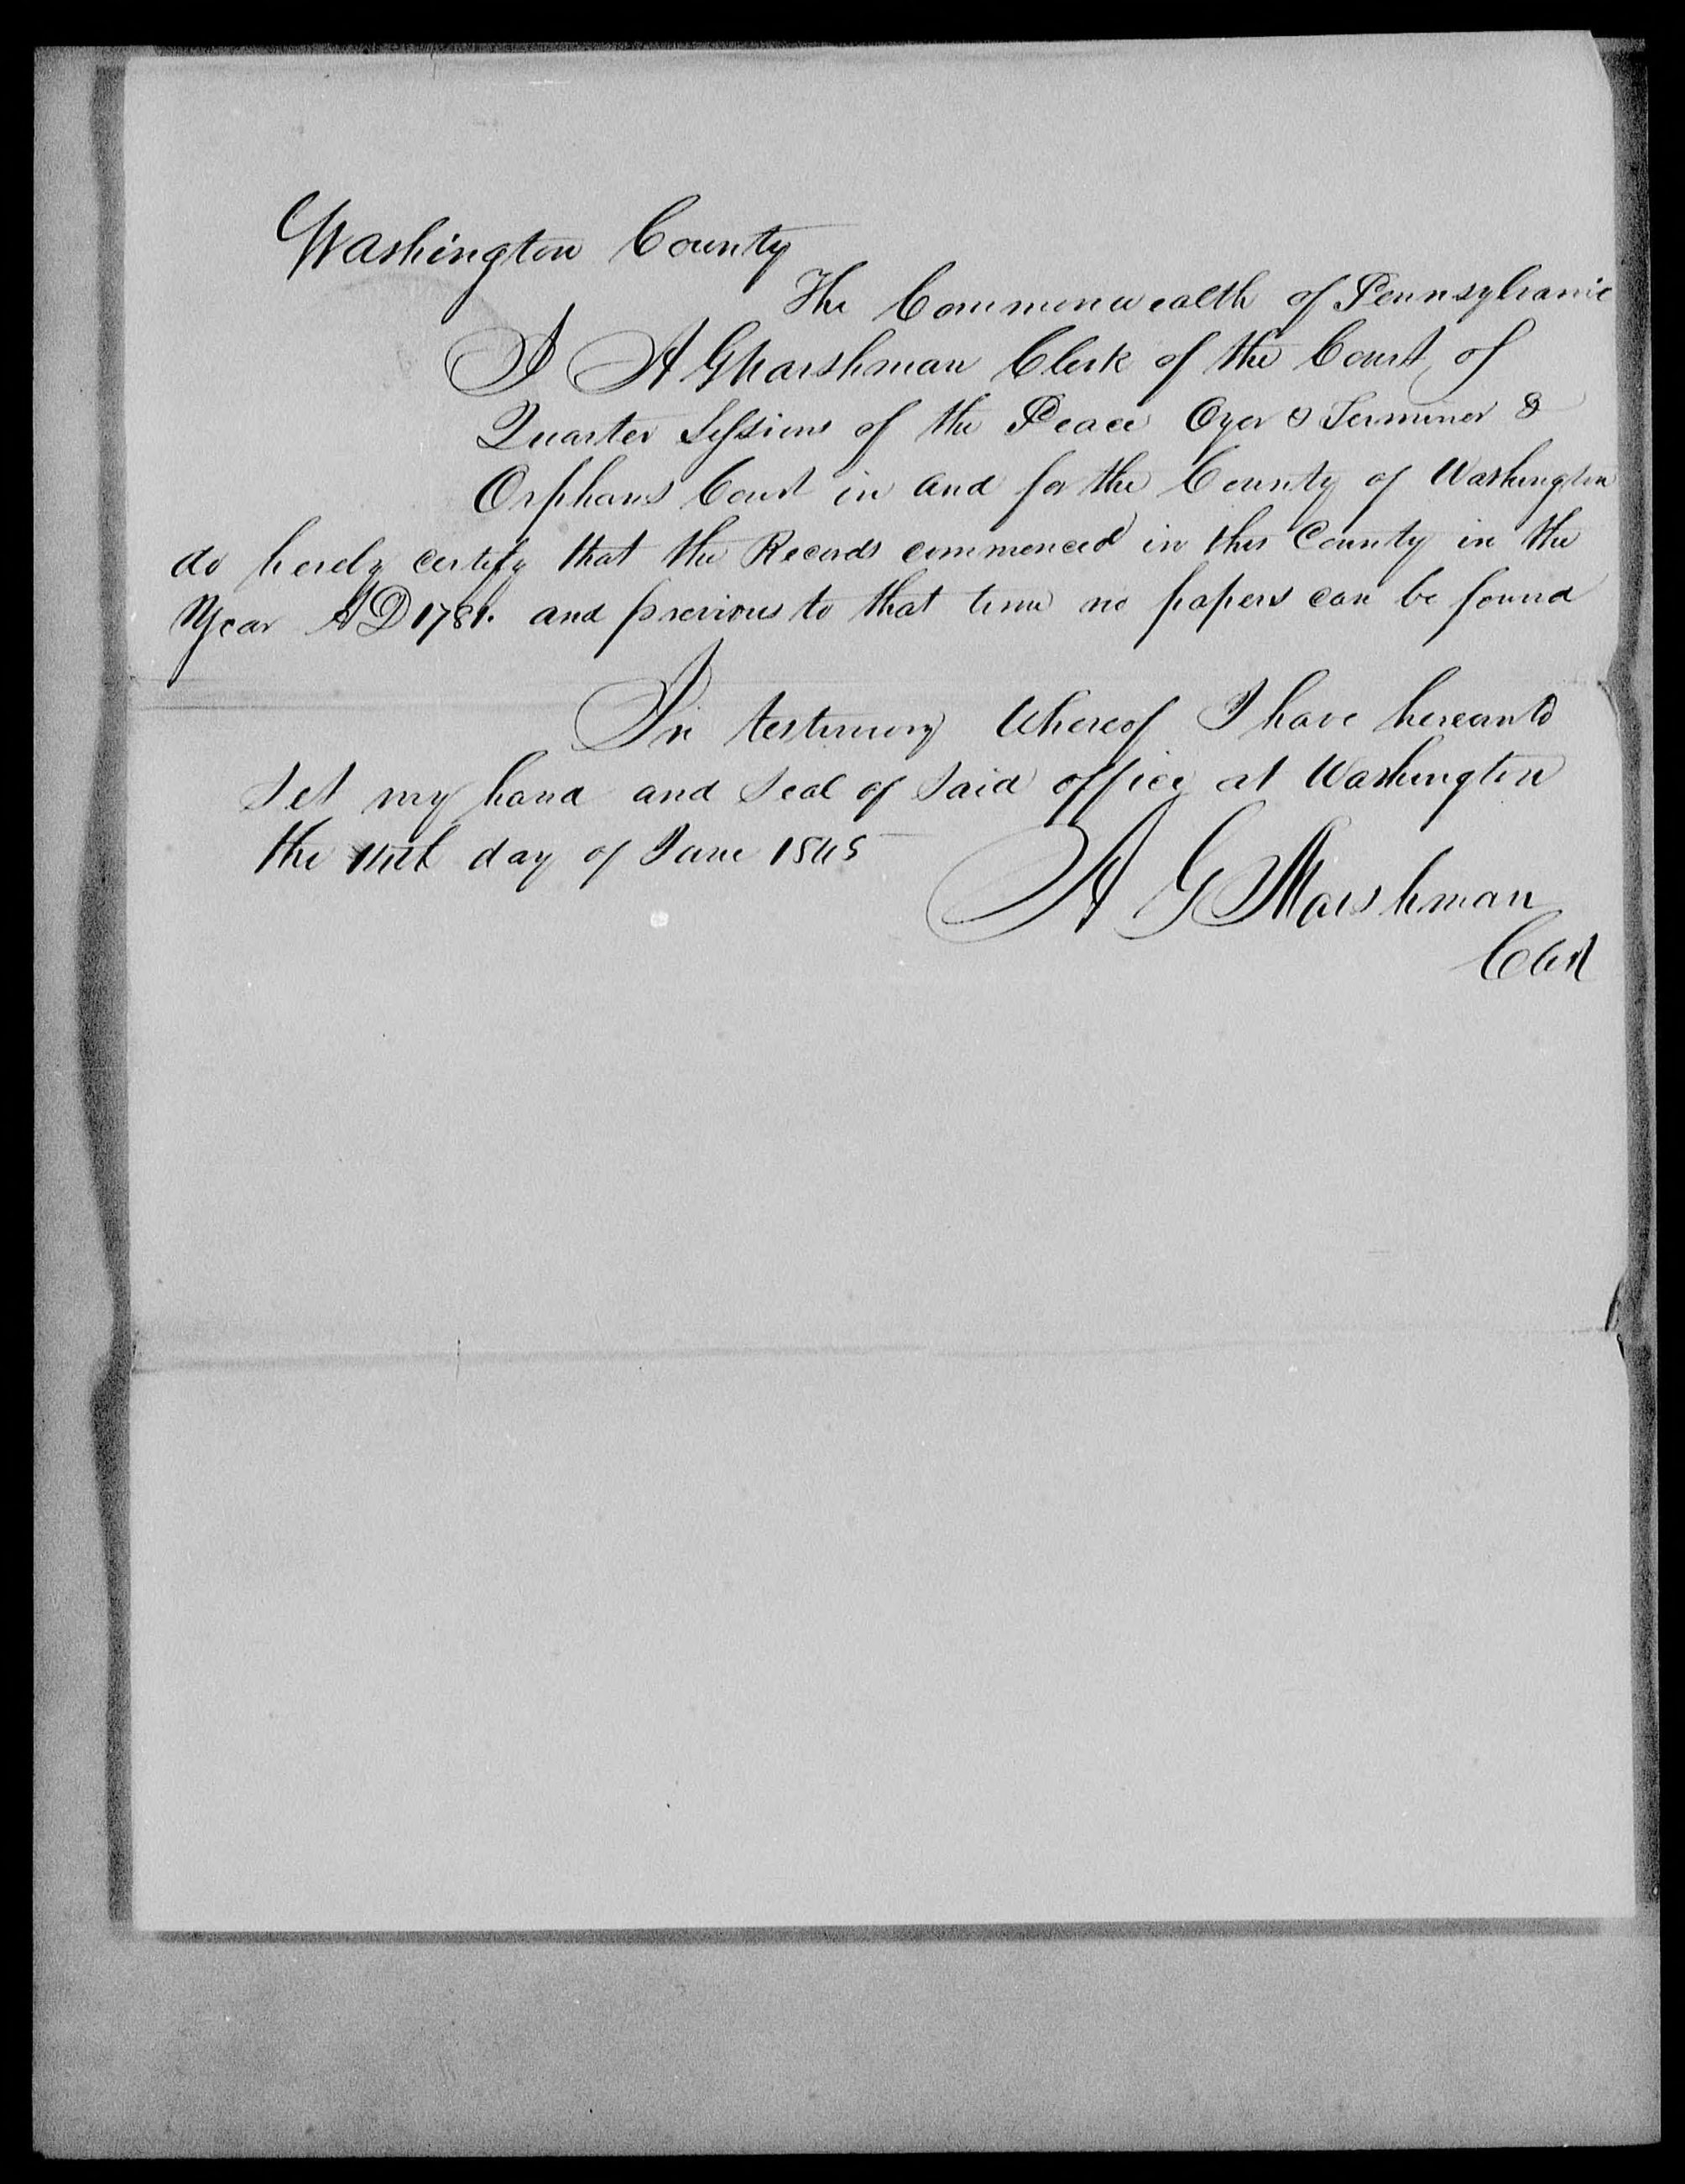Image 98		4160873_00098	
Fold3 File #23857264 
[Letter] 
Washington County  The Commonwealth of Pennsylvania
I A. G. Marshman Clerk of the Court of the Quarter Sessions of the Peace Oyer & Terminer & Orphans Court in and for the County of Washington do hereby certify that the Records commenced in this county in the year A.D. 1781 and previous to that time no papers can be found
In testimony whereof I have hereunto set my hand and seal of said office at Washington the 14th day of June 1845
A. G. Marshman clerk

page: 40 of 71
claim: widow's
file: W. 8428, for James Mc Gill, Pennsylvania